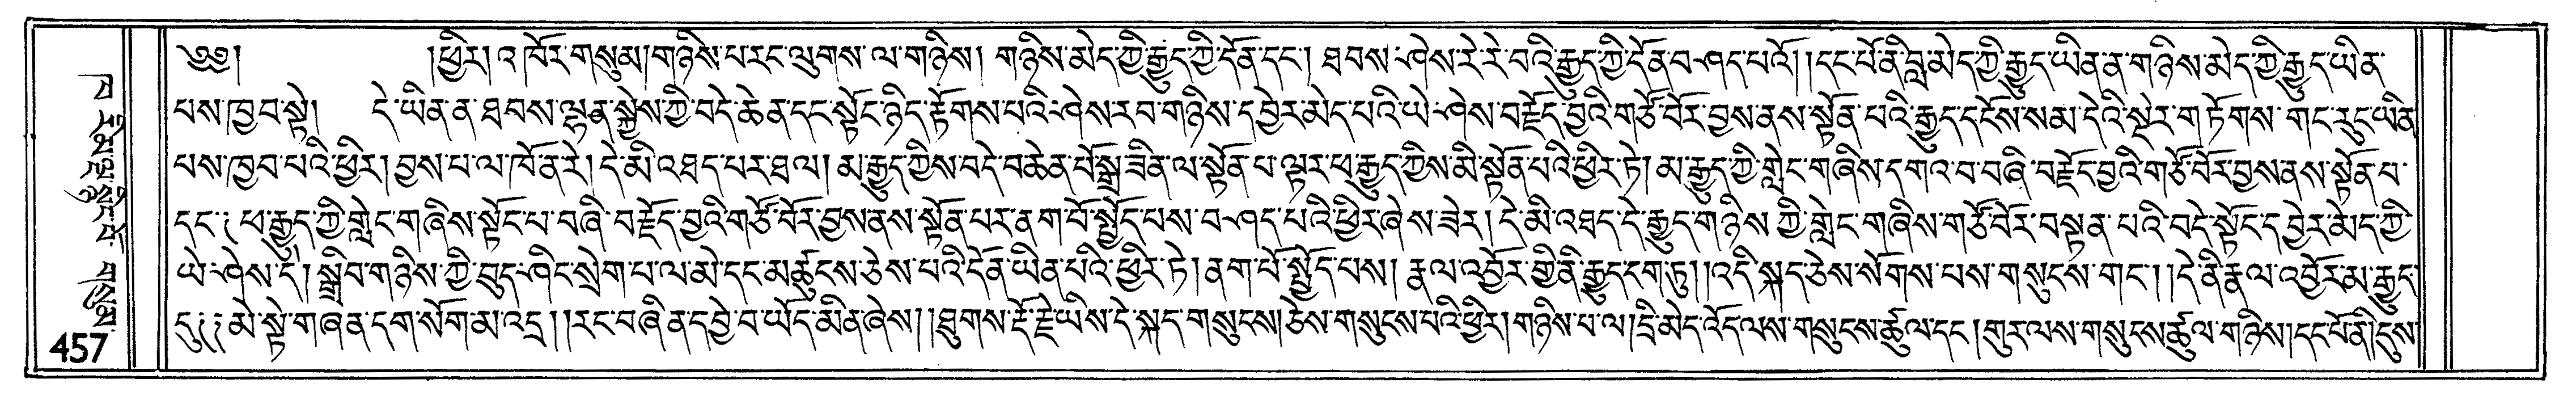༄༅། །ཕྱིར། འཁོར་གསུམ། གཉིས་པ་རང་ལུགས་ལ་གཉིས། གཉིས་མེད་ཀྱི་རྒྱུད་ཀྱི་དོན་དང་། ཐབས་ཤེས་རེ་རེ་བའི་རྒྱུད་ཀྱི་དོན་བཤད་པའོ། །དང་པོ་ནི་བླ་མེད་ཀྱི་རྒྱུད་ཡིན་ན་གཉིས་མེད་ཀྱི་རྒྱུད་ཡིན་
པས་ཁྱབ་སྟེ། དེ་ཡིན་ན་ཐབས་ལྷན་སྐྱེས་ཀྱི་བདེ་ཆེན་དང་སྟོང་ཉིད་རྟོགས་པའི་ཤེས་རབ་གཉིས་དབྱེར་མེད་པའི་ཡེ་ཤེས་བརྗོད་བྱའི་གཙོ་བོར་བྱས་ནས་སྟོན་པའི་རྒྱུད་དངོས་སམ་དེའི་སྡེར་གཏོགས་གང་རུང་ཡིན་
པས་ཁྱབ་པའི་ཕྱིར། བྱས་པ་ལ་ཁོ་ན་རེ། དེ་མི་འཐད་པར་ཐལ། མ་རྒྱུད་ཀྱིས་བདེ་བ་ཆེན་པོ་སྒྲ་ཟིན་ལ་སྟོན་པ་ལྟར་ཕ་རྒྱུད་ཀྱིས་མི་སྟོན་པའི་ཕྱིར་ཏེ། མ་རྒྱུད་ཀྱི་གླེང་གཞིས་དགའ་བ་བཞི་བརྗོད་བྱའི་གཙོ་བོར་བྱས་ནས་སྟོན་པ་
དང༑ ཕ་རྒྱུད་ཀྱི་གླེང་གཞིས་སྟོང་པ་བཞི་བརྗོད་བྱའི་གཙོ་བོར་བྱས་ནས་སྟོན་པར་ནག་པོ་སྤྱོད་པས་བཤད་པའི་ཕྱིར་ཞེས་ཟེར། དེ་མི་འཐད་དེ་རྒྱུད་གཉིས་ཀྱི་གླེང་གཞིས་གཙོ་བོར་བསྟན་པའི་བདེ་སྟོང་དབྱེར་མེད་ཀྱི་
ཡེ་ཤེས་དེ། སྒྲིབ་གཉིས་ཀྱི་བུད་ཤིང་སྲེག་པ་ལ་མེ་དང་མཚུངས་ཅེས་པའི་དོན་ཡིན་པའི་ཕྱིར་ཏེ། ནག་པོ་སྤྱོད་པས། རྣལ་འབྱོར་གྱི་ནི་རྒྱུད་ངག་ཏུ། །འདི་སྐད་ཅེས་སོགས་པས་གསུངས་གང་། །དེ་ནི་རྣལ་འབྱོར་མ་རྒྱུད་
དུ༑ ༑མེ་སྟེ་གཞན་དག་སོག་མ་འདྲ། །རང་བཞིན་དབྱེ་བ་ཡོད་མིན་ཞེས། །ཐུགས་རྡོ་རྗེ་ཡིས་དེ་སྐད་གསུངས། ཅེས་གསུངས་པའི་ཕྱིར། གཉིས་པ་ལ། དྲི་མེད་འོད་ལས་གསུངས་ཚུལ་དང་། གུར་ལས་གསུངས་ཚུལ་གཉིས། དང་པོ་ནི། དུས་